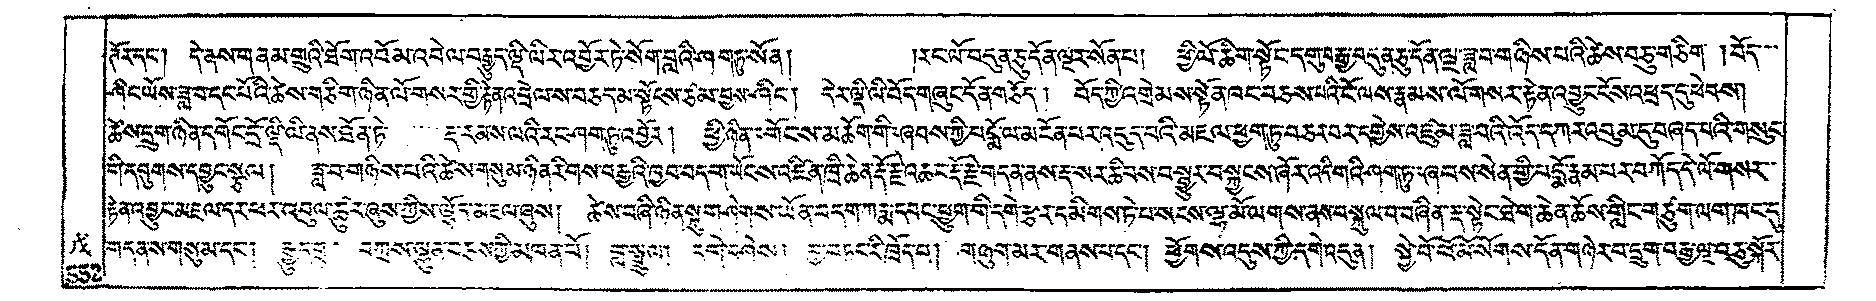ཊོར་དང་། དེ་ནས་གནམ་གྲུའི་ཐོག་འབོམ་འབེལ་བརྒྱུད་ལྡི་ལིར་འབྱོར་ཏེ་སོག་བླའི་ཤག་ཏུ་སོན། །རང་ལོ་བདུན་ཅུ་དོན་ལྔར་སོན་པ། ཕྱི་ལོ་ཆིག་སྟོང་དགུ་བརྒྱ་བདུན་ཅུ་དོན་ལྔ་ཟླ་བ་གཉིས་པའི་ཚེས་བཅུ་གཅིག །བོད་
ཤིང་ཡོས་ཟླ་བ་དང་པོའི་ཚེས་གཅིག་ཉིན་ལོ་གསར་གྱི་རྟེན་འབྲེལ་ས་བཅད་མ་སྟོངས་ཙམ་བྱས་ཤིང་། དེར་ལྡི་ལི་བོད་གཞུང་དོན་གཅོད། བོད་ཀྱི་འགྲེམས་སྟོན་ཁང་བཅས་པའི་ངོ་ལས་རྣམས་ལོ་གསར་རྟེན་འབྱུང་ངོས་འཕྲད་དུ་ཕེབས།
ཚེས་དྲུག་ཉིན་དགོང་དྲོ་ལྡི་ལི་ནས་ཐོན་ཏེ་རྡ་རམ་ས་ལའི་རང་ཤག་ཏུ་འབྱོར། ཕྱི་ཉིན་༧གོང་ས་མཆོག་གི་༧ཞབས་ཀྱི་པདམོ་ལ་མངོན་པར་འདུད་པའི་མཇལ་ཕྱག་ཏུ་བཅར་བར་དགྱེས་འཛུམ་ཟླ་བའི་འོད་དཀར་འབུམ་དུ་བཞད་པའི་གསུང་
གི་དབུགས་དབྱུང་སྩལ། ཟླ་བ་གཉིས་པའི་ཚེས་གསུམ་ཉིན་རིགས་བརྒྱའི་ཁྱབ་བདག་ཡོངས་འཛིན་ཁྲི་ཆེན་རྡོ་རྗེ་འཆང་རྡོ་རྗེ་གདན་ནས་རྡ་སར་ཆིབས་བསྒྱུར་བསྐྱངས་ཞོར་འདི་གའི་ཤག་ཏུ་༧ཞབས་སེན་གྱི་པདམོ་རྣམ་པར་བཀོད་དེ་ལོ་གསར་
རྟེན་འབྱུང་མཇལ་དར་ཕར་འབུལ་ཚུར་ཞུས་ཀྱིས་ལྷོད་མཇལ་ཞུས། ཚེས་བཞི་ཉིན་སྐུ་གཤེགས་ཡོན་བདག་ཀརྨ་དབང་ཕྱུག་གི་དགེ་རྩར་དམིགས་ཏེ་པ་སངས་ལྷ་མོ་ལགས་ནས་བསྐུལ་བ་བཞིན་རྡ་སྟེང་ཐེག་ཆེན་ཆོས་གླིང་གཙུག་ལག་ཁང་དུ་
གདན་ས་གསུམ་དང་། རྒྱུད་གྲྭ། བཀྲས་ལྷུན་བཅས་ཀྱི་མཁན་པོ། བླ་སྤྲུལ། དགེ་བཤེས། བྱ་བཏང་རི་ཁྲོད་པ། གཉུག་མར་གནས་པ་དང་། ཕྱོགས་འདུས་ཀྱི་དགེ་འདུན། སྐྱེ་བོ་ཕོ་མོ་སོགས་དོན་གཉེར་བ་དྲུག་བརྒྱ་ལྔ་བཅུ་སྐོར་